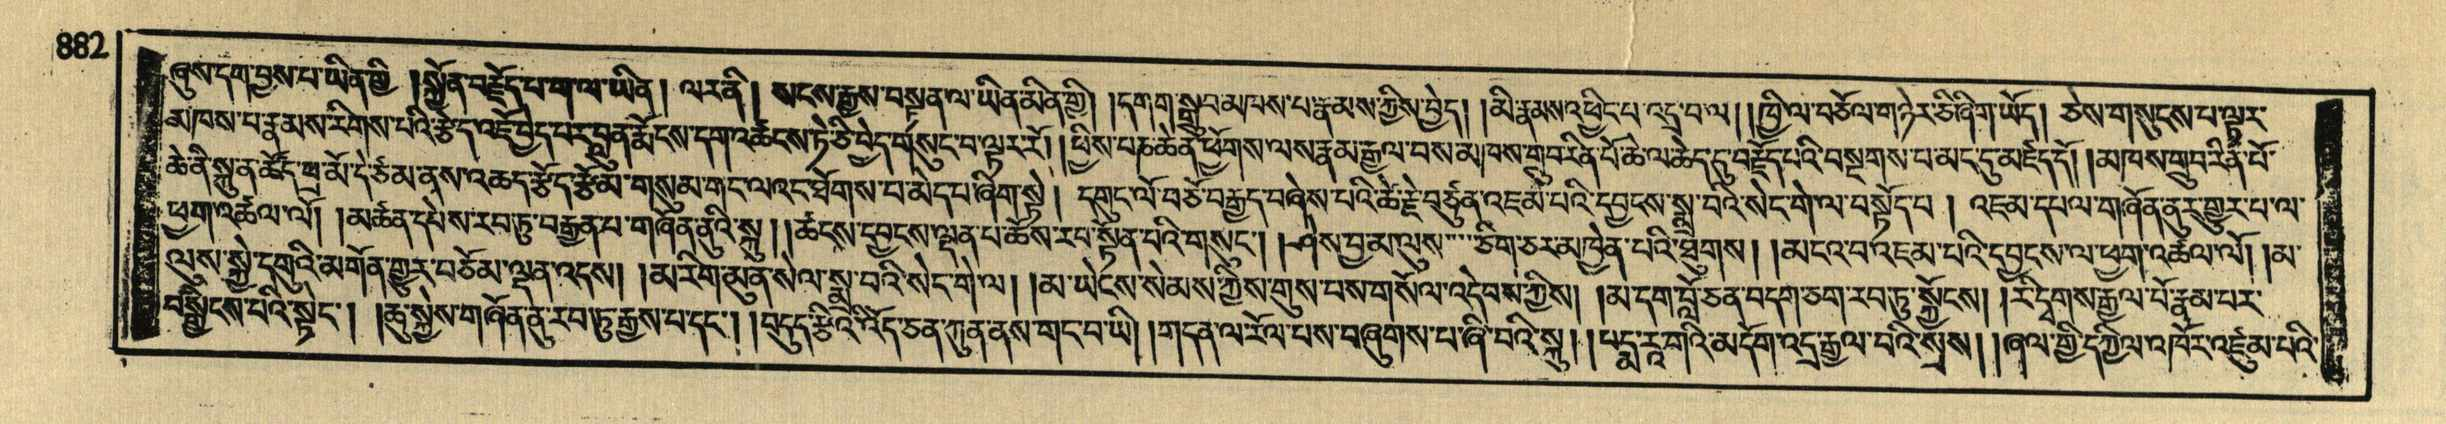ཞུས་དག་བྱས་པ་ཡིན་གྱི་།སྐྱོན་བརྗོད་པ་ག་ལ་ཡིན། ལར་ནི། སངས་རྒྱས་བསྟན་ལ་ཡིན་མིན་གྱི། །དགག་སྒྲུབ་མཁས་པ་རྣམས་ཀྱིས་བྱེད། །མི་རྣམས་འཕྱིང་པ་འདྲ་བ་ལ། །ཁྱི་ལ་བཅོལ་གཉེར་ཅི་ཞིག་ཡོད། ཅེས་གསུངས་པ་ལྟར་
མཁས་པ་རྣམས་རིགས་པའི་རྩེད་འཇོ་བྱེད་པར་བླུན་རྨོངས་དག་འཚངས་ཏེ་ཅི་བྱེད་གསུངས་བ་ལྟར་རོ། །ཕྱིས་པཎ་ཆེན་ཕྱོགས་ལས་རྣམ་རྒྱལ་བས་མཁས་གྲུབ་རིན་པོ་ཆེ་ལ་ཆེད་དུ་བརྗོད་པའི་བསྔགས་པ་མང་དུ་མཛད་དོ། །མཁས་གྲུབ་རིན་པོ་
ཆེ་ནི་སྐུ་ན་ཚོད་ཕྲ་མོ་དེ་ཙམ་ནས་འཆད་རྩོད་རྩོམ་གསུམ་གང་ལའང་ཐོགས་པ་མེད་པ་ཞིག་སྟེ། དགུང་ལོ་བཅོ་བརྒྱད་བཞེས་པའི་ཚེ་རྗེ་བཙུན་འཇམ་པའི་དབྱངས་སྨྲ་བའི་སེང་གེ་ལ་བསྟོད་པ། འཇམ་དཔལ་གཞོན་ནུར་གྱུར་པ་ལ་
ཕྱག་འཚལ་ལོ། །མཚན་དཔེས་རབ་ཏུ་བརྒྱན་པ་གཞོན་ནུའི་སྐུ། །ཚངས་དབྱངས་ལྡན་པ་ཆོས་རབ་སྟོན་པའི་གསུང་། །ཤེས་བྱ་མ་ལུས་ཅིག་ཅར་མཁྱེན་པའི་ཐུགས། །མངའ་བ་འཇམ་པའི་དབྱངས་ལ་ཕྱག་འཚལ་ལོ། །མ་
ལུས་སྐྱེ་དགུའི་མགོན་གྱུར་བཅོམ་ལྡན་འདས། །མ་རིག་མུན་སེལ་སྨྲ་བའི་སེང་གེ་ལ། །མ་ཡེངས་སེམས་ཀྱིས་གུས་པས་གསོལ་འདེབས་ཀྱིས། །མ་དག་བློ་ཅན་བདག་ཅག་རབ་ཏུ་སྐྱོངས། །རི་དྭགས་རྒྱལ་པོ་རྣམ་པར་
བསྒྱིངས་པའི་སྟེང་། །ཆུ་སྐྱེས་གཞོན་ནུ་རབ་ཏུ་རྒྱས་པ་དང་། །བདུད་རྩིའི་འོད་ཅན་ཀུན་ནས་གང་བ་ཡི། །གདན་ལ་རོལ་པས་བཞུགས་པ་ཞི་བའི་སྐུ། །པདམ་རཱ་གའི་མདོག་འདྲ་རྒྱལ་བའི་སྲས། །ཞལ་གྱི་དཀྱིལ་འཁོར་འཛུམ་པའི་